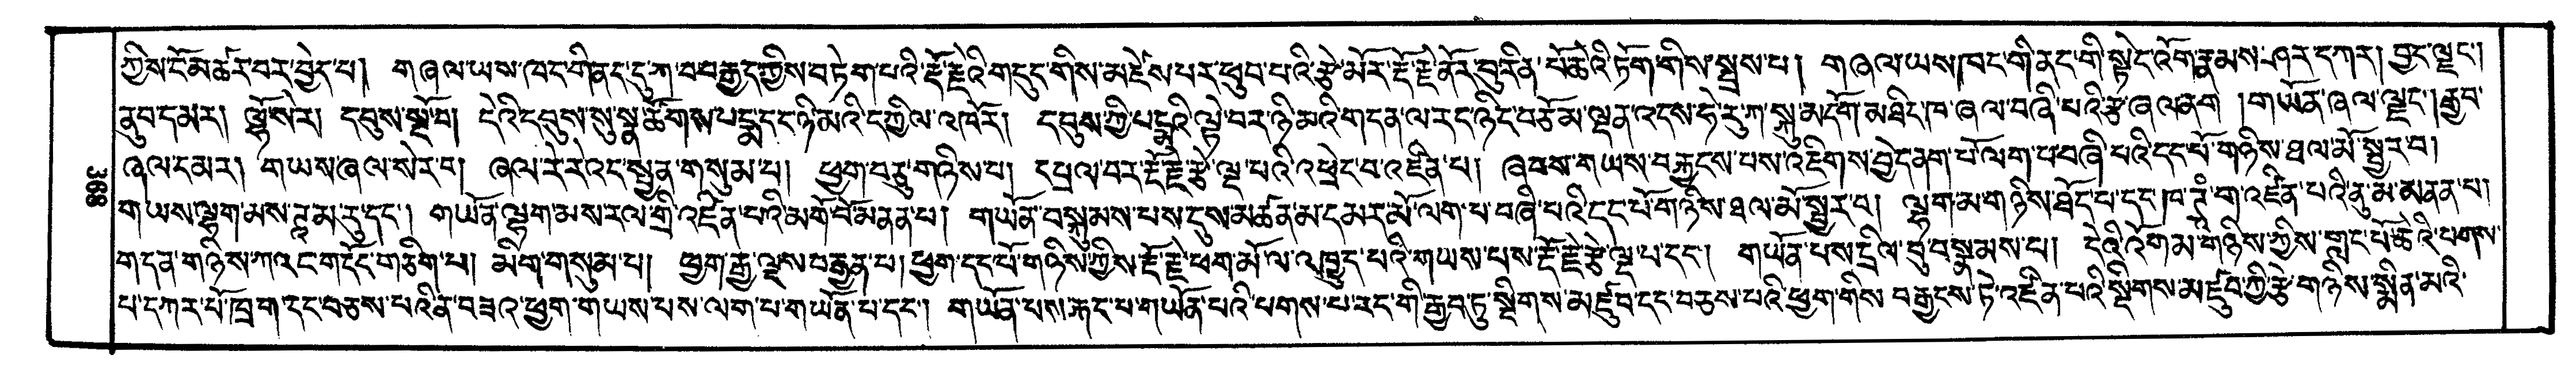ཀྱིས་ངོ་མཚར་བར་བྱེད་པ། གཞལ་ཡས་ཁང་གི་ནང་དུ་ཀ་བ་བརྒྱད་ཀྱིས་བཏེག་པའི་རྡོ་རྗེའི་གདུང་གིས་མཛེས་པར་ཕུབ་པའི་རྩེ་མོར་རྡོ་རྗེ་ནོར་བུ་རིན་པོ་ཆེའི་ཏོག་གིས་སྤྲས་པ། གཞལ་ཡས་ཁང་གི་ནང་གི་སྟེང་འོག་རྣམས་ཤར་དཀར། བྱང་ལྗང་།
ནུབ་དམར། ལྷོ་སེར། དབུས་སྔོ་བ། དེའི་དབུས་སུ་སྣ་ཚོགས་པདམ་དང་ཉི་མའི་དཀྱིལ་འཁོར། དབུས་ཀྱི་པདམའི་ལྟེ་བར་ཉི་མའི་གདན་ལ་རང་ཉིད་བཅོམ་ལྡན་འདས་ཧེ་རུ་ཀ་སྐུ་མདོག་མཐིང་ཁ་ཞལ་བཞི་པའི་རྩ་ཞལ་ནག །གཡོན་ཞལ་ལྗང་།རྒྱབ་
ཞལ་དམར། གཡས་ཞལ་སེར་བ། ཞལ་རེ་རེའང་སྤྱན་གསུམ་པ། ཕྱག་བཅུ་གཉིས་པ། དཔྲལ་བར་རྡོ་རྗེ་རྩེ་ལྔ་པའི་འཕྲེང་བ་འཛིན་པ། ཞབས་གཡས་བརྐྱངས་བས་འཇིགས་བྱེད་ནག་པོ་ལག་པ་བཞི་པའི་དང་པོ་གཉིས་ཐལ་མོ་སྦྱར་བ།
གཡས་ལྷག་མས་ཌཱ་མ་རུ་དང་། གཡོན་ལྷག་མས་རལ་གྲི་འཛིན་པའི་མགོ་བོ་མནན་པ། གཡོན་བསྐུམས་པས་དུས་མཚན་མ་དམར་མོ་ལག་པ་བཞི་པའི་དང་པོ་གཉིས་ཐལ་མོ་སྦྱར་བ། ལྷག་མ་གཉིས་ཐོད་པ་དང་ཁ་ཊྭཱཾ་ག་འཛིན་པའི་ནུ་མ་མནན་པ།
གདན་གཉིས་ཀའང་གདོང་གཅིག་པ། མིག་གསུམ་པ། ཕྱག་རྒྱ་ལྔས་བརྒྱན་པ། ཕྱག་དང་པོ་གཉིས་ཀྱིས་རྡོ་རྗེ་ཕག་མོ་ལ་འཁྱུད་པའི་གཡས་པས་རྡོ་རྗེ་རྩེ་ལྔ་པ་དང་། གཡོན་པས་དྲིལ་བུ་བསྣམས་པ། དེའི་འོག་མ་གཉིས་ཀྱིས་གླང་པོ་ཆེའི་པགས་
པ་དཀར་པོ་ཁྲག་དང་བཅས་པའི་ན་བཟའ་ཕྱག་གཡས་པས་ལག་པ་གཡོན་བ་དང་། གཡོན་བས་རྐང་པ་གཡོན་པའི་བགས་པ་རང་གི་རྒྱབ་ཏུ་སྡིགས་མཛུབ་དང་བཅས་པའི་ཕྱག་གིས་བརྒྱངས་ཏེ་འཛིན་པའི་སྡིགས་མཛུབ་ཀྱི་རྩེ་གཉིས་སྨིན་མའི་